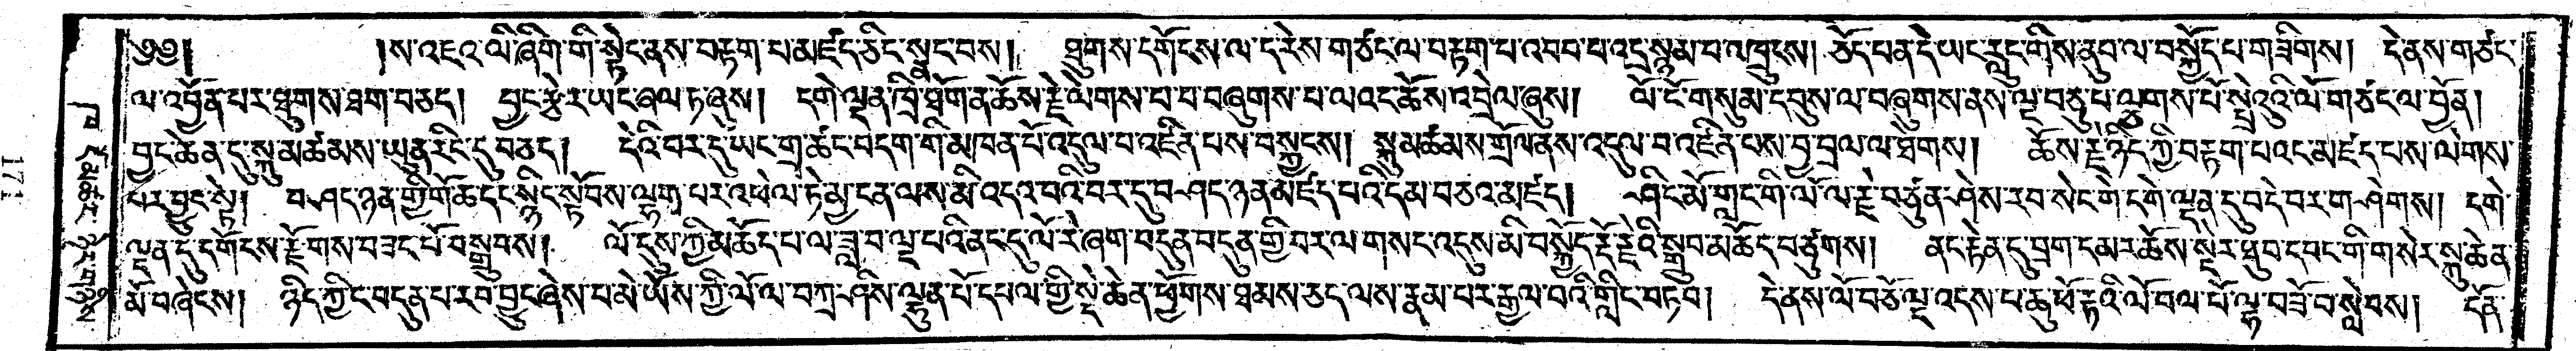༄༅། །ས་འཇའ་ལི་ཞིག་གི་སྟེང་ནས་བརྟག་པ་མཛད་ཅིང་སྣང་བས། ཐུགས་དགོངས་ལ་ད་རེས་གཙང་ལ་བརྟག་པ་འབབ་པ་འདྲ་སྙམ་པ་འཁྲུངས། ཅོད་པན་དེ་ཡང་རླུང་གིས་ནུབ་ལ་བསྐྱོད་པ་གཟིགས། དེ་ནས་གཙང་
ལ་འབྱོན་པར་ཐུགས་ཐག་བཅད། བྱང་རྩེར་ཡང་ཞལ་ཏ་ཞུས། དགེ་ལྡན་ཁྲི་ཐོག་ན་ཆོས་རྗེ་ལེགས་པ་བ་བཞུགས་པ་ལའང་ཆོས་འབྲེལ་ཞུས། ལོ་ངོ་གསུམ་དབུས་ལ་བཞུགས་ནས་ལྔ་བཅུ་པ་ལྕགས་པོ་སྤྲེའུའི་ལོ་གཙང་ལ་བྱོན།
བྱང་ཆེན་དུ་སྐུ་མཚམས་ཡུན་རིང་དུ་བཅད། དེའི་བར་དུ་ཡང་གྲྭ་ཚང་བདག་གི་མཁན་པོ་འདུལ་བ་འཛིན་པས་བསྐྱངས། སྐུ་མཚམས་གྲོལ་ནས་འདུལ་བ་འཛིན་པས་བྱ་བྲལ་ལ་ཐེགས། ཆོས་རྗེ་ཉིད་ཀྱི་བརྟག་པའང་མཛད་པས་ལེགས་
པར་བྱུང་སྟེ། བཤད་ཉན་གྱི་གོ་ཆ་དང་སྙིང་སྟོབས་ལྷག་པར་འཕེལ་ཏེ་མྱ་ངན་ལས་མི་འདའ་བའི་བར་དུ་བཤད་ཉན་མཛད་པའི་དམ་བཅའ་མཛད། ཤིང་མོ་གླང་གི་ལོ་ལ་རྗེ་བཙུན་ཤེས་རབ་སེང་གེ་དགེ་ལྡན་དུ་བདེ་བར་གཤེགས། དགེ་
ལྡན་དུ་དགོངས་རྫོགས་བཟང་པོ་བསྒྲུབས། ལོ་དུས་ཀྱི་མཆོད་པ་ལ་ཟླ་བ་ལྔ་པའི་ནང་དུ་ལོ་རེ་ཞག་བདུན་བདུན་གྱི་བར་ལ་གསང་འདུས་མི་བསྐྱོད་རྡོ་རྗེའི་སྒྲུབ་མཆོད་བཙུགས། ནང་རྟེན་དུ་བྲག་དམར་ཆོས་སྔེར་ཐུབ་དབང་གི་གསེར་སྐུ་ཆེན་
མོ་བཞེངས། ཉིད་ཀྱི་ང་བདུན་པ་རབ་བྱུང་ཞེས་པ་མེ་ཡོས་ཀྱི་ལོ་ལ་བཀྲ་ཤིས་ལྷུན་པོ་དཔལ་གྱི་སྡེ་ཆེན་ཕྱོགས་ཐམས་ཅད་ལས་རྣམ་པར་རྒྱལ་བའི་གླིང་བཏབ། དེ་ནས་ལོ་བཅོ་ལྔ་འདས་པ་ཆུ་ཕོ་རྟའི་ལོ་བལ་པོ་ལྷ་བཟོ་བ་སླེབས། དོན་